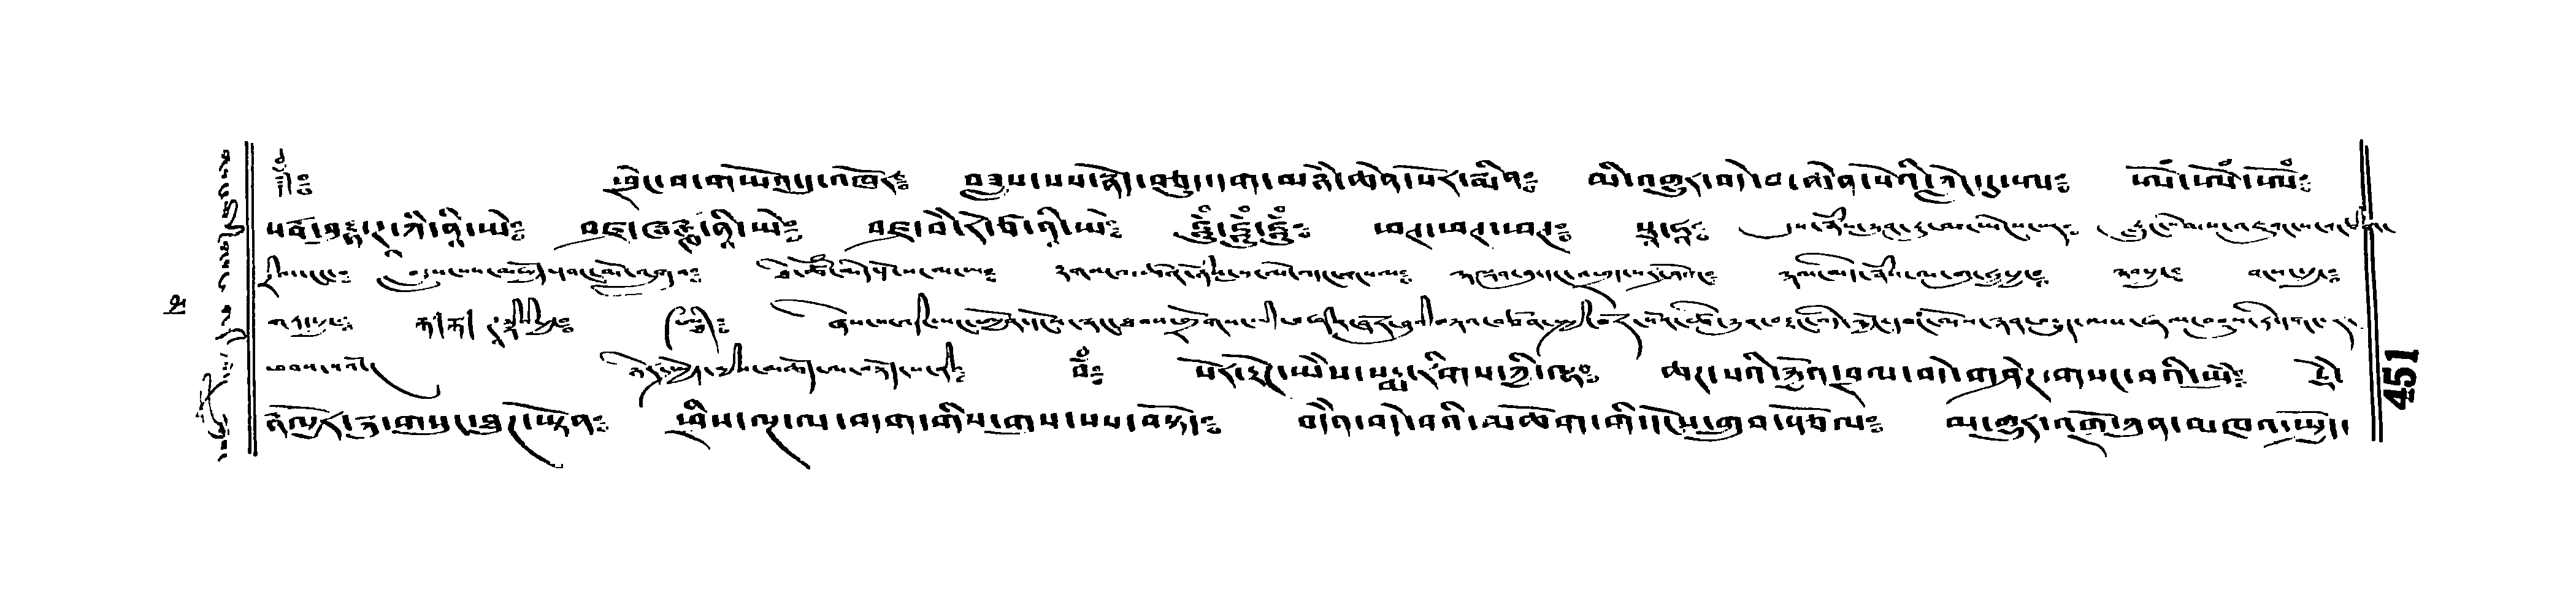ཕྲེང་བ་གཡོན་དུ་འཁོར༔ བཟླས་པས་སྣོད་བཅུད་དག་མཉམ་ཆེན་པོར་སྨིན༔ མི་འགྱུར་བདེ་བ་ཆེན་པོའི་ཀློང་དུ་ཨཱཿ ཨོཾ་ཨོཾ་ཨོཾ༔ 
སརྦ་བུདྡྷ་ཌཱ་ཀི་ནཱི་ཡེ༔ བཛྲ་ཝརྞ་ནཱི་ཡེ༔ བཛྲ་བཻ་རོ་ཙ་ནཱི་ཡེ༔ ཧཱུྃ་ཧཱུྃ་ཧཱུྃ༔ ཕཊ་ཕཊ་ཕཊཿ སྭཱ་ཧཱཿ དུས་རྣམས་ཀུན་ཏུ་མ་ཡེངས་པར༔ རླུང་སེམས་འཇུག་པ་གཅིག་
དྲིལ་ངང༔ བཟླས་པས་མཁའ་སྤྱོད་དབང་མོ་འགྲུབ༔ ཐེ་ཚོམ་མེད་དོ་ས་མ་ཡ༔ རྟགས་མཚན་ཉམས་སུ་ལོངས་དང་གསལ༔ སྐལ་ལྡན་བུ་དང་འཕྲད་པར་ཤོག༔ སྐལ་མེད་རྣམས་ལ་གུ་ཧྱ་རྒྱ༔ ཟབ་རྒྱ༔ གསང་རྒྱ༔ 
གཏད་རྒྱ༔ ཌཱཀྐིའི་རྒྱ༔ ༔ ཞེས་པ་འདི་ཡང་ཨོ་རྒྱན་དངོས་སྣང་ཐབས་གྲོགས་ཡིད་བཞིན་ནོར་བུའི་བཀའ་བཙན་སྤྱི་བོར་སོན་ཚེ་ཀུན་བཟང་བདེ་སྐྱོང་དབང་མོས་སྙན་བརྒྱུད་ལས་ཞལ་བཤུས་ཏེ་དག་པར་
ཕབས་པའོ། ཉེར་སྤྱོད་ཀྱིས་མཆོད་ལ་བསྟོད་པ་ནི༔ བྃ༔ སོར་རྟོགས་ཡེ་ཤེས་པདྨ་རིགས་ཀྱི་ལྷ༔ ཆགས་པའི་སྐྱོན་བྲལ་བདེ་གཤེགས་གསང་བའི་ཡུམ༔ རྡོ་རྗེ་
རྣལ་འབྱོར་སྐུ་གསུང་ཐུགས་ཡོན་ཏན༔ ཕྲིན་ལས་ལྔ་ལ་བདག་གིས་གུས་པས་བསྟོད༔ བདེ་ཆེན་བདེ་བའི་མཆོག་གི་དངོས་གྲུབ་སྩོལ༔ མ་གྱུར་འགྲོ་ཀུན་མཁའ་སྤྱོད་